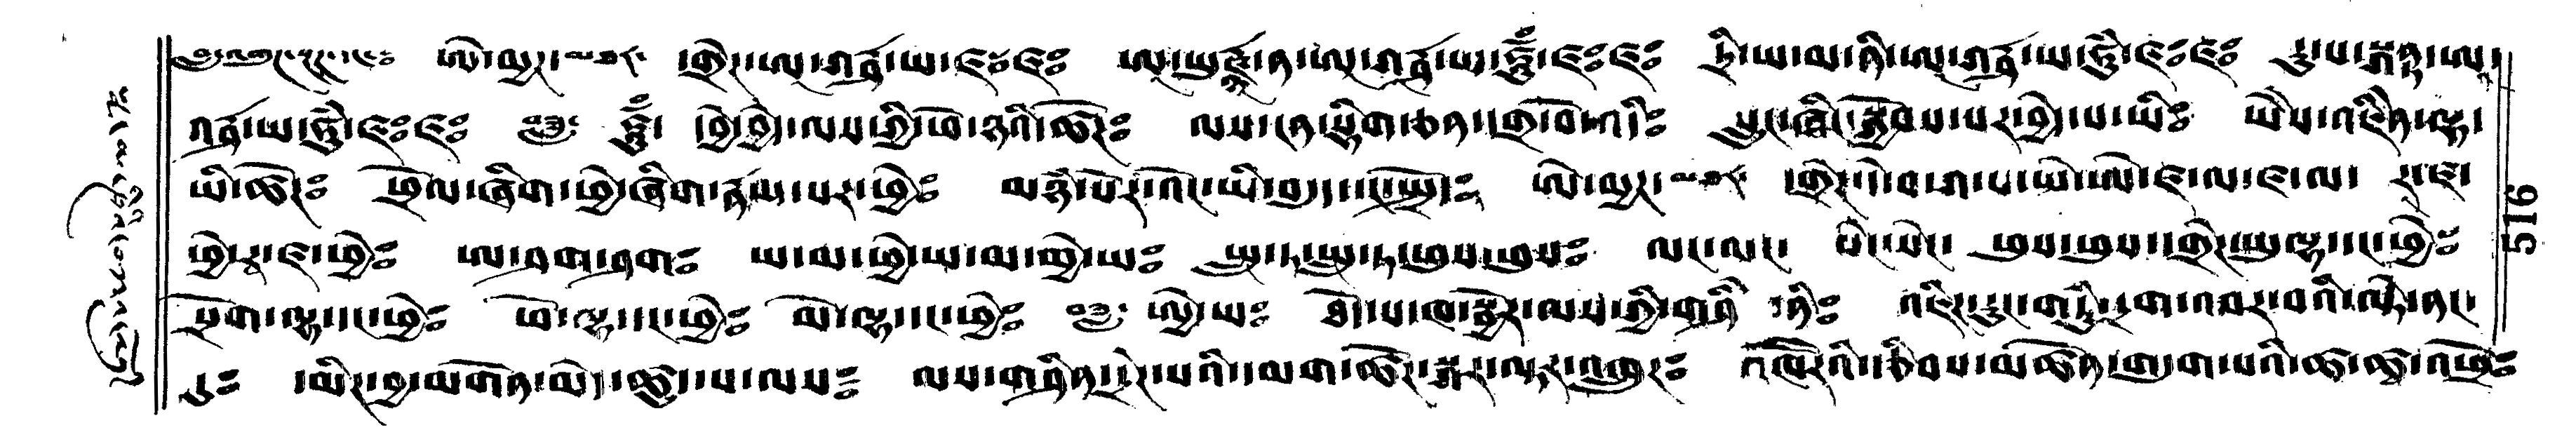བླ་འགུགས་སྔགས་དང༔ ཨེ་མྱགས་མཐར། དགྲ་བགེགས་ཨཱ་ཀརྴ་ཡ་ཛཿཛཿ ཨཱ་ཡུ་ཛྙ་ན་ཨཱ་ཀརྴ་ཡ་ཧཱུྃ་ཛཿཛཿ རུ་པ་སྐནྟ་ཨཱ་
ཀརྴ་ཡ་ཧཱཻུ་ཛཿཛཿ བཟླ། ཧཱུྃ། དབྱེ་བྱེད་ལས་ཀྱི་ཕོ་ཉའི་ཚོགས༔ ལས་ངན་སྡིག་ཅན་དགྲ་བོ་འདི༔ སྲུང་ཞིང་སྐྱོབ་པར་བྱེད་པ་ཡི༔ ཡེ་ཤེས་འཇིག་རྟེན་ལྷ་
ཡི་ཚོགས༔ ཕྲོལ་ཞིག་ཕྱེས་ཤིག་རྣམ་པར་ཕྱེས༔ མཉམ་པོར་འོང་པའི་བདུད་དང་སྤྲོད༔ ཨེ་མྱགས་མཐར། དགྲ་བགེགས་དཱེ་བ་ཀ་པ་ཡེ་ཨེ་ཛ་ལ་ཛ་ལཿ རཱ་ཛ་
ཕྱེ་རྭ་ཛ་ཕྱེ༔ ཨ་ཤག་ཤག༔ ཡ་མ་ཕྱེ་ཡ་མ་ཕྱེ་ཡ༔ སྤྲུ་ཏ་སྤྲུ་ཏ་ཕུས་ཕུས༔ ལང་ལང། སེང་སེང། ཕུས་ཕུས་དགྲ་བགེགས་ཡུལ་ལྷ་དང་ཕྱེ༔ སྲོག་ལྷ་དང་ཕྱེ༔ ཕོ་ལྷ་དང་ཕྱེ༔ 
མོ་ལྷ་དང་ཕྱེ༔ བཟླ། ཨྱེ་ཡ༔ ཐོད་པ་ཁ་སྦྱོར་ལས་ཀྱི་བཤམས་པ་ནི༔ འཇིགས་རུང་གཏུམ་དྲག་འབར་བའི་ལྟེ་ནང་
དུ༔ དམིགས་བྱ་མགོན་མེད་ཚུད་པ་ལས༔ ལས་གཤིན་དྲེགས་པའི་དམག་ཚོགས་སྐར་ལྟར་འཁྲུག༔ འཁོར་ལོའི་རྩིབས་མཚོན་གདུག་པའི་ཚ་ཚྭ་འཕྲོ༔